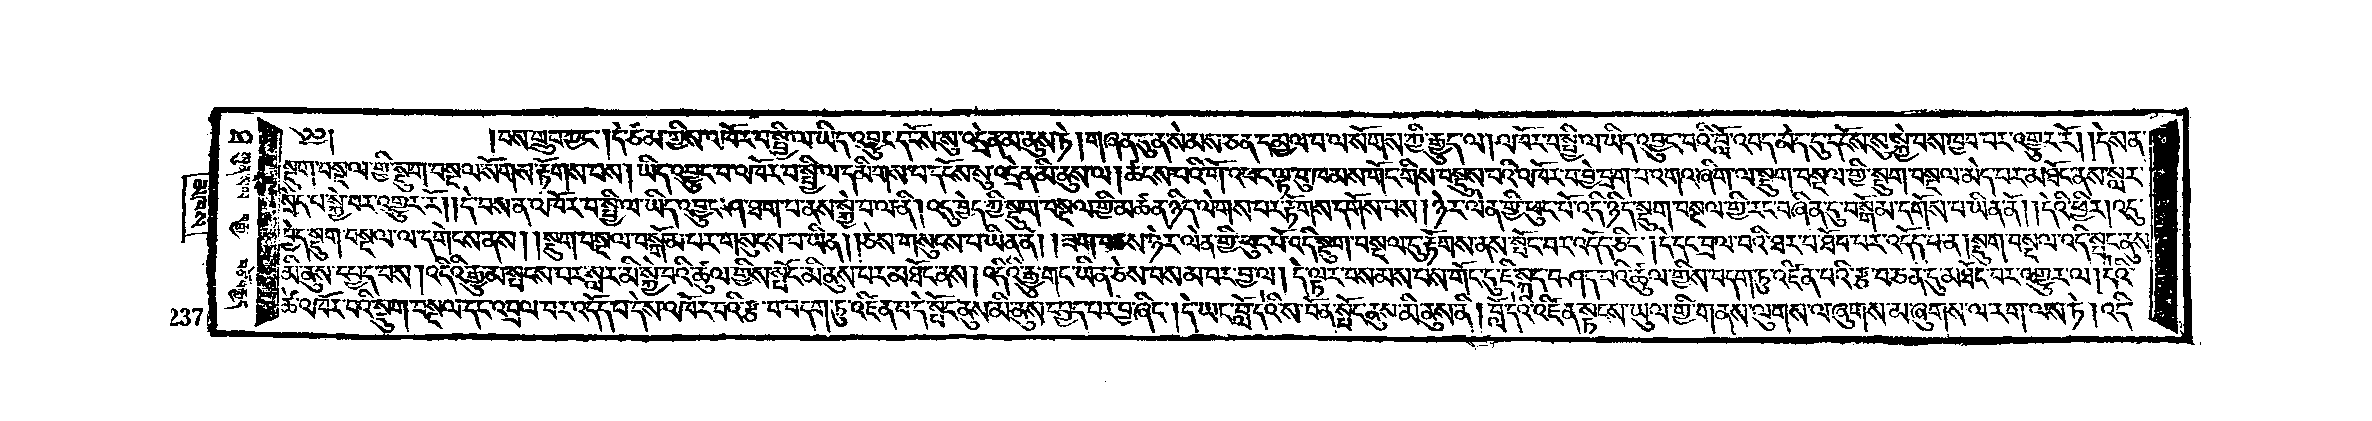༄༅། །བས་གྲུབ་ཀྱང་།དེ་ཙམ་གྱིས་འཁོར་བ་སྤྱི་ལ་ཡིད་འབྱུང་དངོས་སུ་འདྲེན་མ་ནུས་ཏེ། གཞན་དུ་ན་སེམས་ཅན་དམྱལ་བ་ལ་སོགས་ཀྱི་རྒྱུད་ལ། འཁོར་བ་སྤྱི་ལ་ཡིད་འབྱུང་བའི་བློ་འབད་མེད་དུ་དངོས་སུ་སྐྱེ་བས་ཁྱབ་པར་འགྱུར་རོ། །དེས་ན་
སྡུག་བསྔལ་གྱི་སྡུག་བསྔལ་སོགས་རྟོགས་པས། ཡིད་འབྱུང་བ་འཁོར་བ་སྤྱི་ལ་དམིགས་པ་དངོས་སུ་འདྲེན་མི་ནུས་ལ། ཚངས་པའི་གོ་འཕང་ལྟ་བུ་ཁམས་གོང་གིས་བསྡུས་པའི་འཁོར་བ་བྱེ་བྲག་པ་འགའ་ཞིག་ལ་སྡུག་བསྔལ་གྱི་སྡུག་བསྔལ་མེད་པར་མཐོང་ནས་སླར་
སྲེད་པ་སྐྱེ་བར་འགྱུར་རོ། །དེ་བས་ན་འཁོར་བ་སྤྱི་ལ་ཡིད་འབྱུང་ཤ་ཐག་པ་ནས་སྐྱེ་བ་ལ་ནི། འདུ་བྱེད་ཀྱི་སྡུག་བསྔལ་གྱི་མཚན་ཉིད་ལེགས་པར་རྟོགས་དགོས་པས། ཉེར་ལེན་གྱི་ཕུང་པོ་འདི་ཉིད་སྡུག་བསྔལ་གྱི་རང་བཞིན་དུ་བསྒོམ་དགོས་པ་ཡིན་ནོ། །དེའི་ཕྱིར། འདུ་
བྱེད་སྡུག་བསྔལ་ལ་དགོངས་ནས། །སྡུག་བསྔལ་བསྒོམ་པར་གསུངས་པ་ཡིན། །ཅེས་གསུངས་པ་ཡིན་ནོ། །ཟག་བཅས་ཉེར་ལེན་གྱི་ཕུང་པོ་འདི་སྡུག་བསྔལ་དུ་རྟོགས་ནས་སྤོང་བར་འདོད་ཅིང་།དེ་དང་བྲལ་བའི་ཐར་པ་ཐོབ་པར་འདོད་པ་ན། སྡུག་བསྔལ་འདི་སྤང་ནུས་
མི་ནུས་དཔྱད་པས། འདིའི་རྒྱུ་མ་སྤངས་པར་སླར་མི་སྐྱེ་བའི་ཚུལ་གྱིས་སྤོང་མི་ནུས་པར་མཐོང་ནས། འདིའི་རྒྱུ་གང་ཡིན་ཅེས་བསམ་པར་བྱ་ལ། དེ་ལྟར་བསམས་པས་གོང་དུ་ཇི་སྐད་བཤད་པའི་ཚུལ་གྱིས་བདག་ཏུ་འཛིན་པའི་རྩ་བ་ཅན་དུ་མཐོང་བར་འགྱུར་ལ། དེའི་
ཚེ་འཁོར་བའི་སྡུག་བསྔལ་དང་འབྲལ་བར་འདོད་པ་དེས་འཁོར་བའི་རྩ་བ་བདག་ཏུ་འཛིན་པ་དེ་སྤོང་ནུས་མི་ནུས་དཔྱད་པར་བྱ་ཞིང་།དེ་ཡང་བློ་དེའི་ས་བོན་སྤོང་ནུས་མི་ནུས་ནི། བློ་དེའི་འཛིན་སྟངས་ཡུལ་གྱི་གནས་ལུགས་ལ་ཞུགས་མ་ཞུགས་ལ་རག་ལས་ཏེ། འདི་